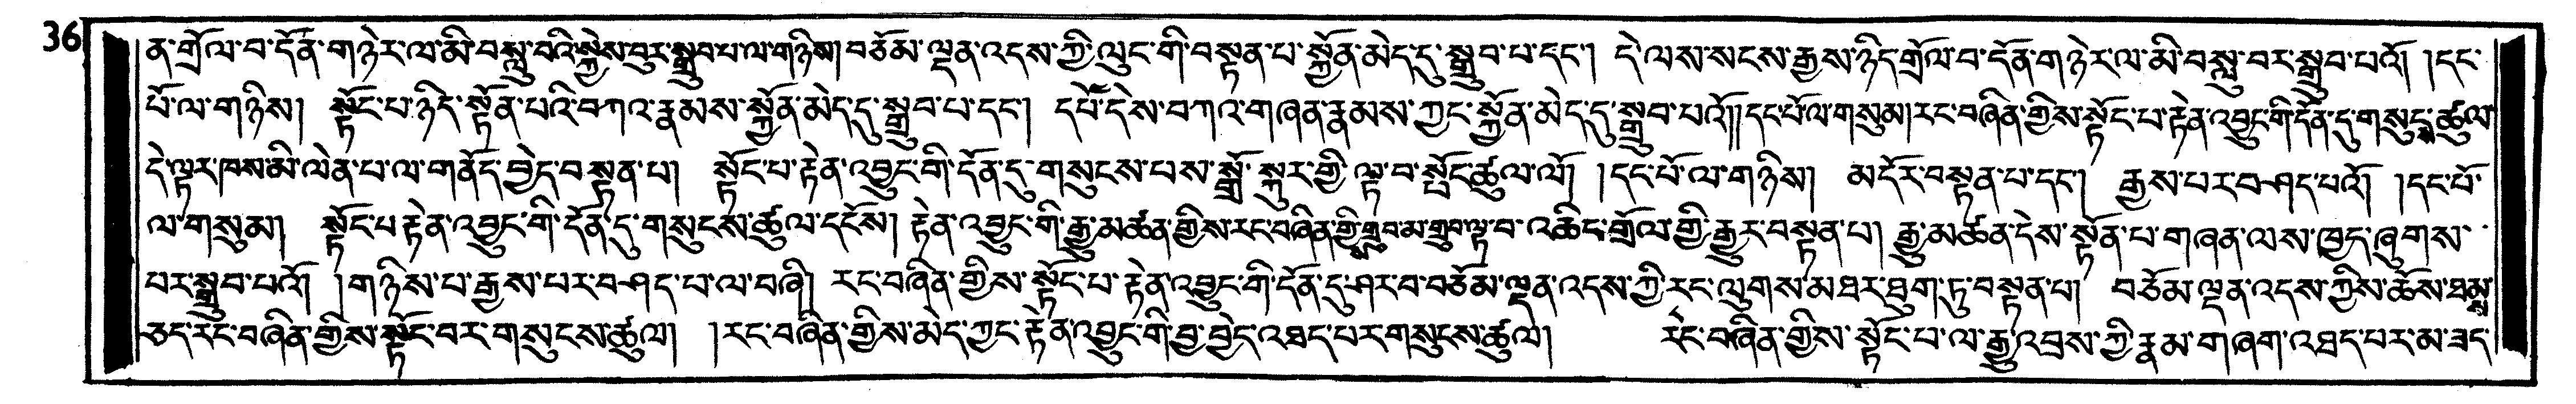ན་གྲོལ་བ་དོན་གཉེར་ལ་མི་བསླུ་བའི་སྐྱེས་བུར་སྒྲུབ་པ་ལ་གཉིས། བཅོམ་ལྡན་འདས་ཀྱི་ལུང་གི་བསྟན་པ་སྐྱོན་མེད་དུ་སྒྲུབ་པ་དང་། དེ་ལས་སངས་རྒྱས་ཉིད་གྲོལ་བ་དོན་གཉེར་ལ་མི་བསླུ་བར་སྒྲུབ་པའོ། །དང་
པོ་ལ་གཉིས། སྟོང་པ་ཉིད་སྟོན་པའི་བཀའ་རྣམས་སྐྱོན་མེད་དུ་སྒྲུབ་པ་དང་། དཔེ ༤་དེས་བཀའ་གཞན་རྣམས་ཀྱང་སྐྱོན་མེད་དུ་སྒྲུབ་པའོ། ། དང་པོ་ལ་གསུམ། རང་བཞིན་གྱིས་སྟོང་པ་རྟེན་འབྱུང་གི་དོན་དུ་གསུངས་ཚུལ་
དེ་ལྟར་ཁས་མི་ལེན་པ་ལ་གནོད་བྱེད་བསྟན་པ། སྟོང་པ་རྟེན་འབྱུང་གི་དོན་དུ་གསུངས་པས་སྒྲོ་སྐུར་གྱི་ལྟ་བ་སྤོང་ཚུལ་ལོ། །དང་པོ་ལ་གཉིས། མདོར་བསྟན་པ་དང་། རྒྱས་པར་བཤད་པའོ། །དང་པོ་
ལ་གསུམ། སྟོང་པ་རྟེན་འབྱུང་གི་དོན་དུ་གསུངས་ཚུལ་དངོས། རྟེན་འབྱུང་གི་རྒྱུ་མཚན་གྱིས་རང་བཞིན་གྱིས་གྲུབ་མ་གྲུབ་ལྟ་བ་འཆིང་གྲོལ་གྱི་རྒྱུར་བསྟན་པ། རྒྱུ་མཚན་དེས་སྟོན་པ་གཞན་ལས་ཁྱད་ཞུགས་
པར་སྒྲུབ་པའོ། །གཉིས་པ་རྒྱས་པར་བཤད་པ་ལ་བཞི། རང་བཞིན་གྱིས་སྟོང་པ་རྟེན་འབྱུང་གི་དོན་དུ་ཤར་བ་བཅོམ་ལྡན་འདས་ཀྱི་རང་ལུགས་མཐར་ཐུག་ཏུ་བསྟན་པ། བཅོམ་ལྡན་འདས་ཀྱིས་ཆོས་ཐམས་
ཅད་རང་བཞིན་གྱིས་སྟོང་བར་གསུངས་ཚུལ། །རང་བཞིན་གྱིས་མེད་ཀྱང་རྟེན་འབྱུང་གི་བྱ་བྱེད་འཐད་པར་གསུངས་ཚུལ། རང ༨་བཞིན་གྱིས་སྟོང་པ་ལ་རྒྱུ་འབྲས་ཀྱི་རྣམ་གཞག་འཐད་པར་མ་ཟད་